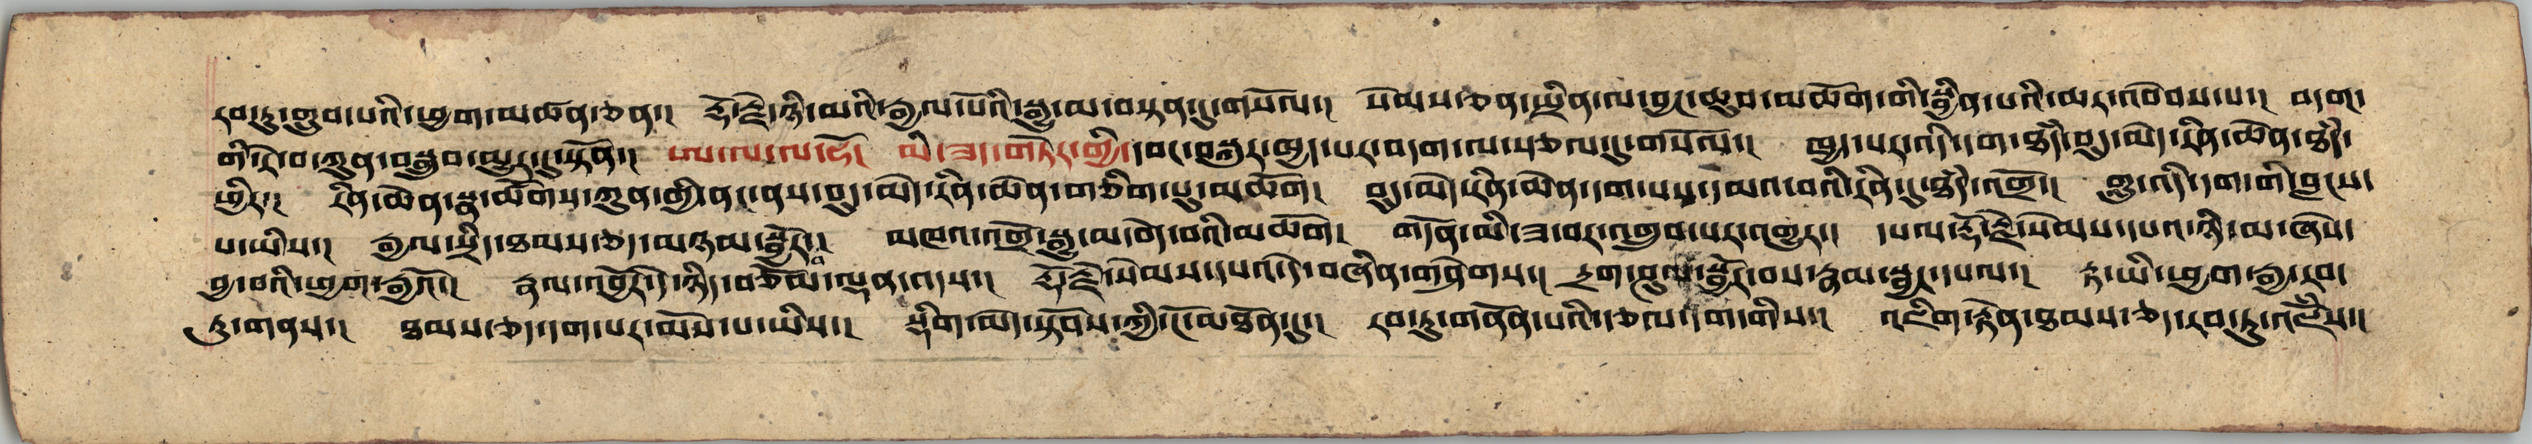རབ་ཏུ་གྲུབ་པའི་ཕྱག་མཚན་ཅན་། རྡོ་རྗེ་ཉི་མའི་རྒྱལ་པོའི་སྒྱུ་མ་བསྟན་དུ་གསོལ་། སེམས་ཅན་སྤྲིན་ལ་བྱང་ཆུབ་མཆོག་གི་སྦྱིན་པའི་ཆར་འབེབས་པ་། བདག་
གི་རེ་བ་ཀུན་བསྒྲུབ་མྱུར་དུ་སྟོན་། ཨ་ལ་ལ་ཧོ། མི་ཟད་གཏེར་གྱི་དབང་བསྐུར་ཁྱད་པར་བདག་ལ་སྩལ་དུ་གསོལ་། ཁྱད་པར་འདི་དག་ཐཾད་བུད་མེད་རིན་ཆེན་ཐཾད་
ཕྱིར་། རིན་ཆེན་སྣ་ཚོགས་ཀུན་གྱི་ནང་ནས་བུད་མེད་རིན་ཆེན་གཅིག་པུ་མཆོག། བུད་མེད་རིན་ཆེན་དག་པས་དམའ་བའི་རིན་དུ་ཐཾད་འགྲོ་། གླུ་འདི་དག་གི་བླངས་
པ་ཡིས་། རྒྱལ་སྲིད་ཐམས་ཅད་མཉམ་སྦྱོར་བ་། མཁའ་འགྲོ་སྒྱུ་མ་བདེ་བའི་མཆོག། གདོན་མི་ཟ་བར་འགྲུབ་པར་འགྱུར་། དཔལ་རྡོ་རྗེ་སེམས་དཔའ་ཉི་མ་ཞེས་
བྱ་བའི་ཕྱག་རྒྱའོ་། རྣལ་འབྱོར་དེ་ཉིད་བཅོམ་ལྡན་འདས་། རྡོ་རྗེ་སེམས་དཔའ་དེ་བཞིན་གཤེགས་། དྲག་ཤུལ་སྦྱོར་བས་རྣམ་སྦྱང་དཔལ་། རྟ་ཡི་ཕྱག་རྒྱ་རབ་
ཏུ་གནས་། ཐམས་ཅད་དག་པར་མོས་པ་ཡིས་། སྡིག་མེད་སྟོབས་ཀྱི་ངོ་མཐོན་དུ་། རབ་དུ་གནོན་པའི་རྩལ་དག་གིས་། འཇིག་རྟེན་ཐམས་ཅད་རབ་ཏུ་འཇོཾས་།